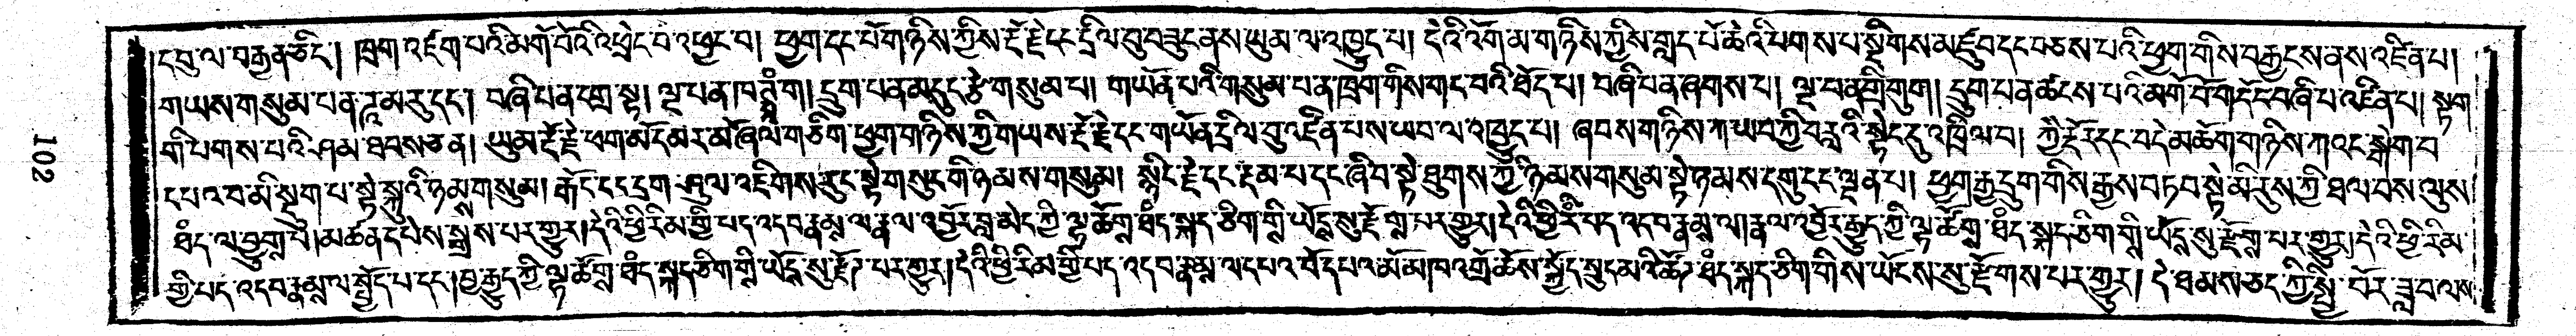དབུ་ལ་བརྒྱན་ཅིང་། ཁྲག་འཛག་པའི་མགོ་བོའི་འཕྲེང་བ་འཕྱང་བ། ཕྱག་དང་པོ་གཉིས་ཀྱིས་རྡོ་རྗེ་དང་དྲིལ་བུ་བཟུང་ནས་ཡུམ་ལ་འཁྱུང་པ། དེའི་འོག་མ་གཉིས་ཀྱིས་གླང་པོ་ཆེའི་པགས་པ་སྡིགས་མཛུབ་དང་བཅས་པའི་ཕྱག་གིས་བརྒྱངས་ནས་འཛིན་པ།
གཡས་གསུམ་པ་ན་ཌཱ་མ་རུ་དང་། བཞི་པ་ན་དགྲ་སྟ། ལྔ་པ་ན་ཁ་ཊྭཱཾ་ག། དྲུག་པ་ན་མདུང་རྩེ་གསུམ་པ། གཡོན་པའི་གསུམ་པ་ན་ཁྲག་གིས་གང་བའི་ཐོད་པ། བཞི་པ་ན་ཞགས་པ། ལྔ་པ་ན་གྲི་གུག། དྲུག་པ་ན་ཚངས་པའི་མགོ་བོ་གདོང་བཞི་པ་འཛིན་པ། སྟག་
གི་པགས་པའི་ཤམ་ཐབས་ཅན། ཡུམ་རྡོ་རྗེ་ཕག་མོ་དམར་མོ་ཞལ་གཅིག་ཕྱག་གཉིས་ཀྱི་གཡས་རྡོ་རྗེ་དང་གཡོན་དྲིལ་བུ་འཛིན་པས་ཡབ་ལ་འཁྱུད་པ། ཞབས་གཉིས་ཀ་ཡབ་ཀྱི་བརླའི་སྟེང་དུ་འཁྲིལ་བ། ཀྱཻ་རྡོར་དང་བདེ་མཆོག་གཉིས་ཀའང་སྒེག་བ་
དཔའ་བ་མི་སྡུག་པ་སྟེ་སྐུའི་ཉམས་གསུམ། རྒོད་དང་དྲག་ཤུལ་འཇིགས་རུང་སྟེ་གསུང་གི་ཉམས་གསུམ། སྙིང་རྗེ་དང་རྡམ་པ་དང་ཞི་བ་སྟེ་ཐུགས་ཀྱི་ཉམས་གསུམ་སྟེ་ཉམས་དགུ་དང་ལྡན་པ། ཕྱག་རྒྱ་དྲུག་གིས་རྒྱས་བཏབ་སྟེ་མི་རུས་ཀྱི་ཐལ་བས་ལུས་
ཐདཾ་ལ་བྱུགས་པ། མཚན་དཔེས་སྒྲས་པར་གྱུར། དེའི་ཕྱི་རིམ་གྱི་པད་འདབ་རྣམས་ལ་རྣལ་འབྱོར་བླ་མེད་ཀྱི་ལྷ་ཆོགས་ཐདཾ་སྐད་ཅིག་གིས་ཡོངས་སུ་རྫོགས་པར་གྱུར། དེའི་ཕྱི་རིཾ་པད་འདབ་རྣམས་ལ། རྣལ་འབྱོར་རྒྱུད་ཀྱི་ལྷ་ཚོགས་ཐདཾ་སྐད་ཅིག་གིས་ཡོངས་སུ་རྫོགས་པར་གྱུར། དེའི་ཕྱི་རིམ་
གྱི་པད་འདབ་རྣམས་ལ་སྤྱོད་པ་དང་།བྱ་རྒྱུད་ཀྱི་ལྷ་ཚོགས་ཐདཾ་སྐད་ཅིག་གིས་ཡོངས་སུ་རྫོགས་པར་གྱུར། དེའི་ཕྱི་རིམ་གྱི་པད་འདབ་རྣམས་ལ་དཔའ་བོ་དཔའ་མོ་མཁའ་གྲོ་ཆོས་སྐྱོད་སྲུང་མའི་ཚོགས་ཐདཾ་སྐད་ཅིག་གིས་ཡོངས་སུ་རྫོགས་པར་གྱུར། དེ་ཐམས་ཅད་ཀྱི་སྤྱི་བོར་ཟླ་བ་ལས་